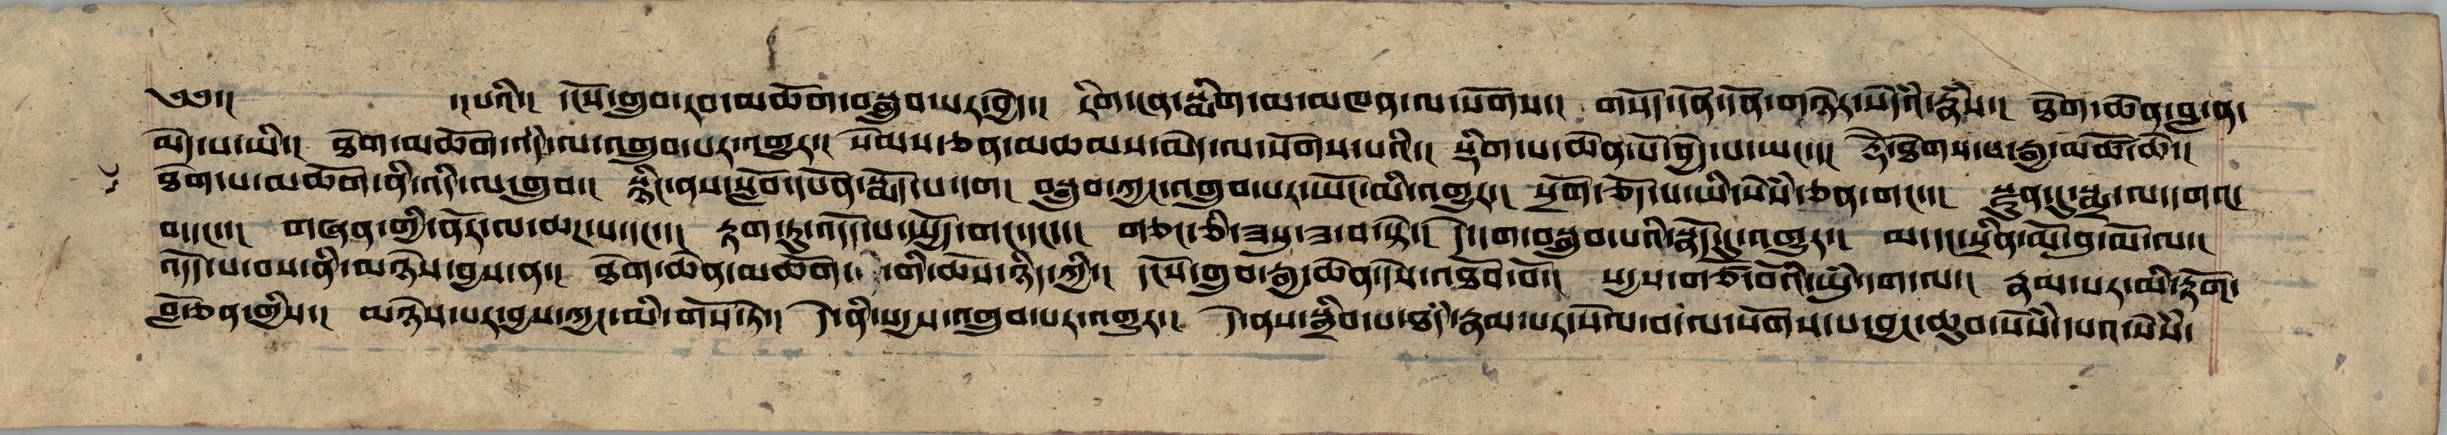༄༅་། ་།པའི་། དངོས་གྲུབ་རབ་མཆོག་བསྒྲུབ་པར་བྱེད་། རིག་ངན་སྨིག་མ་མཁན་ལ་སོགས་། གསོད་དོན་དོན་གཉེར་སེཾདའ་རྣཾས་། ཐེག་ཆེན་བླ་ན་
མེད་པ་ཡི་། ཐེག་མཆོག་འདི་ལ་འགྲུབ་པར་འགྱུར་། སེམས་ཅན་མཚམས་མེད་ལ་སོགས་པའི་། སྡིག་པ་ཆེན་པོ་བྱེད་པ་ཡང་་། རྡོེ་ཐེག་པ་རྒྱ་མཚོ་ཆེ་།
ཐེགཔ་མཆོག་ནི་འདི་ལ་གྲུབ་། སྙིང་ནས་སློབ་དཔོན་སྨོད་པ་དག། བསྒྲུབ་ཀྱང་འགྲུབ་པར་ཡོང་མི་འགྱུར་། སྲོག་ཅོད་པ་ཡི་སེཾས་ཅན་གང་་། སྫུན་དུ་སྨྲ་ལ་དགའ་
བ་དང་་། གཞན་གྱི་ནོར་ལ་ཆཌ་པ་དང་་། རྟག་ཏུ་འདོད་པ་སྤྱོད་གང་དང་་། གཅང་ཅི་ཟསུ་ཟ་བ་སྟེ་། དེ་དག་བསྒྲུབ་པའི་སྣོད་དུ་འགྱུར་། མ་དང་སྲིན་མོ་བུ་མོ་ལ་།
འདོད་པ་བས་ནི་མཉེས་བྱས་ན་། ཐེག་ཆེན་མཆོག་ གི་ཆོས་ཉིད་ཀྱི་། དངོས་གྲུབ་རྒྱ་ཆེན་དེས་འཐོབ་བོ་། སདྱས་གཙོ་བོའི་ཡུཾ་དག་ལ་། རྣམ་པར་མི་རྟོག་
བློ་ཅན་གྱིས་། མཉེས་པར་བྱས་ཀྱང་མི་གོས་ཏེ་། དེ་ནི་སདྱས་འགྲུབ་པར་འགྱུར་། དེ་ནས་སྒྲིབ་པ་ཐཾད་རྣམ་པར་སེལ་བ་ལ་སོགས་པ་བྱང་ཆུབ་སེཾས་དཔའ་སེཾས་